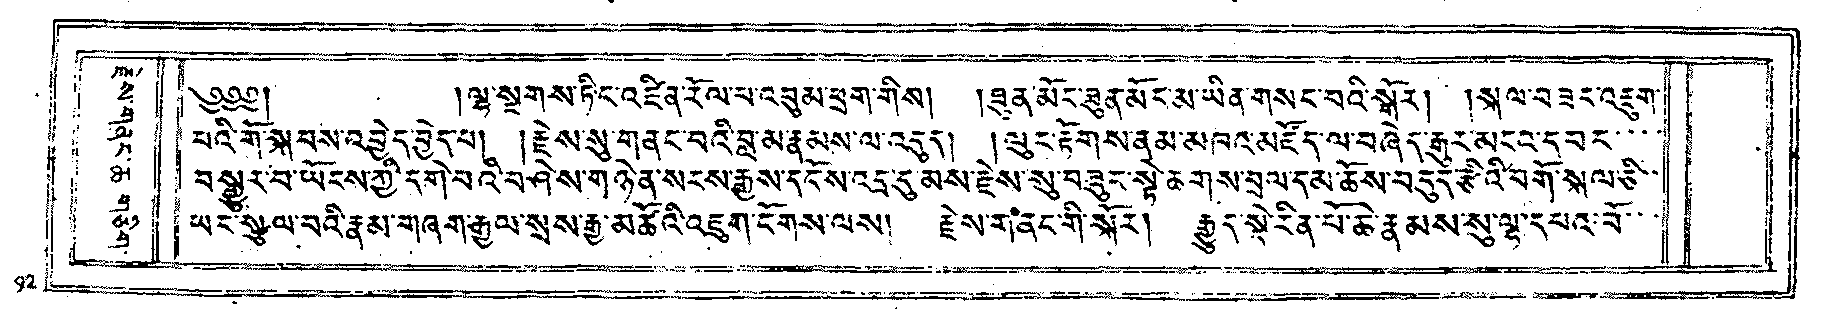༄༅༅། །ལྷ་སྔགས་ཏིང་འཛིན་རོལ་པ་འབུམ་ཕྲག་གིས། །ཐུན་མོང་ཐུན་མོང་མ་ཡིན་གསང་བའི་སྒོར། །སྐལ་བཟང་འཇུག་
པའི་གོ་སྐབས་འབྱེད་བྱེད་པ། །རྗེས་སུ་གནང་བའི་བླ་མ་རྣམས་ལ་འདུད། །ལུང་རྟོགས་ནམ་མཁའ་མཛོད་ལ་བཞེད་རྒུར་མངའ་དབང་
བསྒྱུར་བ་ཡོངས་ཀྱི་དགེ་བའི་བཤེས་གཉེན་སངས་རྒྱས་དངོས་འདྲ་དུ་མས་རྗེས་སུ་བཟུང་སྟེ་ཆགས་བྲལ་དམ་ཆོས་བདུད་རྩིའི་བགོ་སྐལ་ཅི་
ཡང་སྩལ་བའི་རྣམ་གཞག་རྒྱལ་སྲས་རྒྱ་མཚོའི་འཇུག་ངོགས་ལས། རྗེས་གནང་གི་སྐོར། རྒྱུད་སྡེ་རིན་པོ་ཆེ་རྣམས་སུ་ལྷ་དཔའ་བོ་